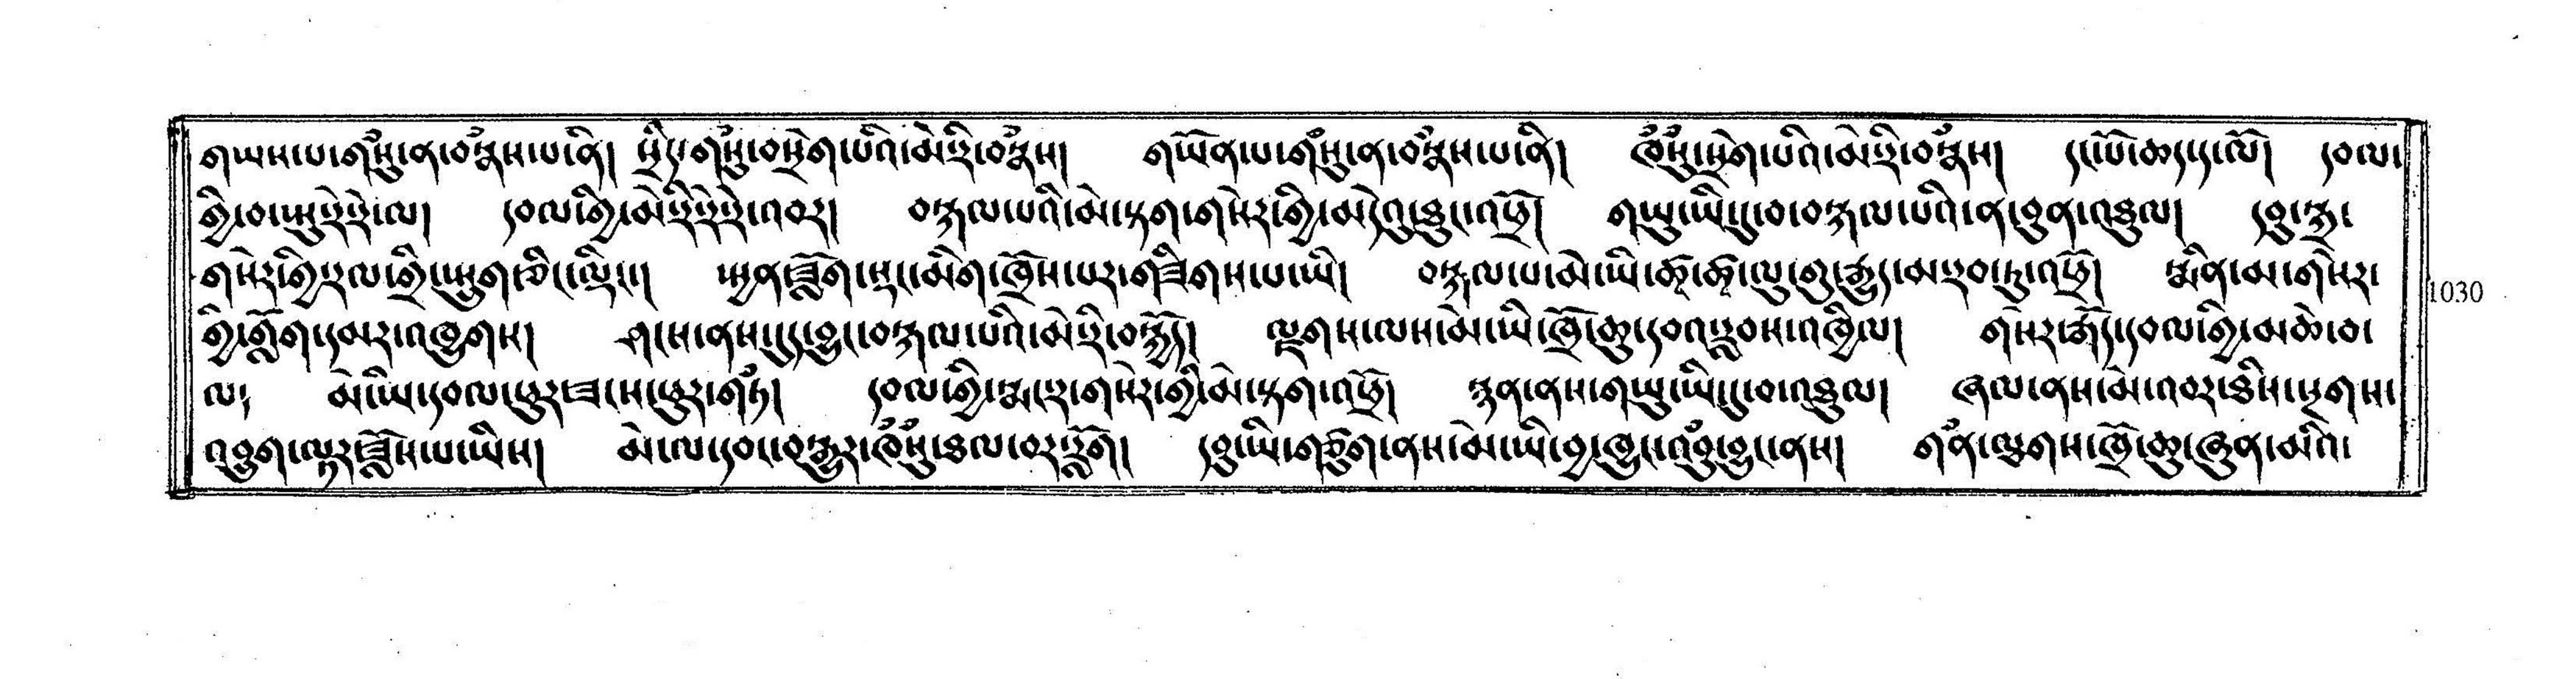གཡས་པ་གསུམ་ན་བསྣམས་པ་ནི། སྲིད་གསུམ་བསྲེག་པའི་མེ་རི་བསྣམས། གཡོན་པ་གསུམ་ན་བསྣམས་པ་ནི། ཁམས་གསུམ་སྲེག་པའི་མེ་རི་བསྣམས། དང་པོ་ཆད་ད་ལོ། དབལ་
གྱི་བ་སྤུ་རེ་རེ་ལ། དབལ་གྱི་མེ་རི་རེ་རེ་འབར། བསྐལ་པའི་མེ་སྟག་གསེར་གྱི་མདེའུ་ཐུང་འཕྲོ། གཡུ་ཡི་དུ་བ་བསྐལ་པའི་ན་བུན་འཐུལ། དབུ་སྐྲ་
གསེར་གྱི་རལ་གྲི་སྤྲུག་ཅིང་ལྡིང་། སྤྱན་ཟློག་སྡང་མིག་ཁྲོས་པར་གཟིགས་པ་ཡི། བསྐལ་པ་མེ་ཡི་ཚྭ་ཚྭ་ལུ་གུ་རྒྱུད་མ་རབ་ཏུ་འཕྲོ། སྨིན་མ་གསེར་
གྱི་གློག་དམར་འཁྱུགས། ཤངས་ནས་དུད་བྱུང་བསྐལ་པའི་མེ་རི་བསྐྱོད། ལྗགས་ལས་མེ་ཡི་ཁྲོ་ཆུ་དབའ་རླབས་འཁྱིལ། གསེར་རྒོད་དབལ་གྱི་མཆེ་བ་
ལ། མེ་ཡི་དབལ་ཕུར་ཟངས་ཕུར་གཏམ། དབལ་གྱི་སྨང་ར་གསེར་གྱི་མེ་སྟག་འཕྲོ། སྙན་ནས་གཡུ་ཡི་དུ་བ་འཐུལ། ཞལ་ནས་མེ་འབར་ཐིས་སྔགས་
འབྲུག་ལྟར་ཟློས་པ་ཡིས། མེ་ལ་དབང་བསྒྱུར་ཁམས་གསུམ་ཐལ་བར་རློག དབུ་ཡི་གཙུག་ནས་མེ་ཡི་བྱ་ཁྱུང་འབུམ་བྱུང་ནས། གནམ་ལྕགས་ཁྲོ་ཆུ་ཞུན་མའི་